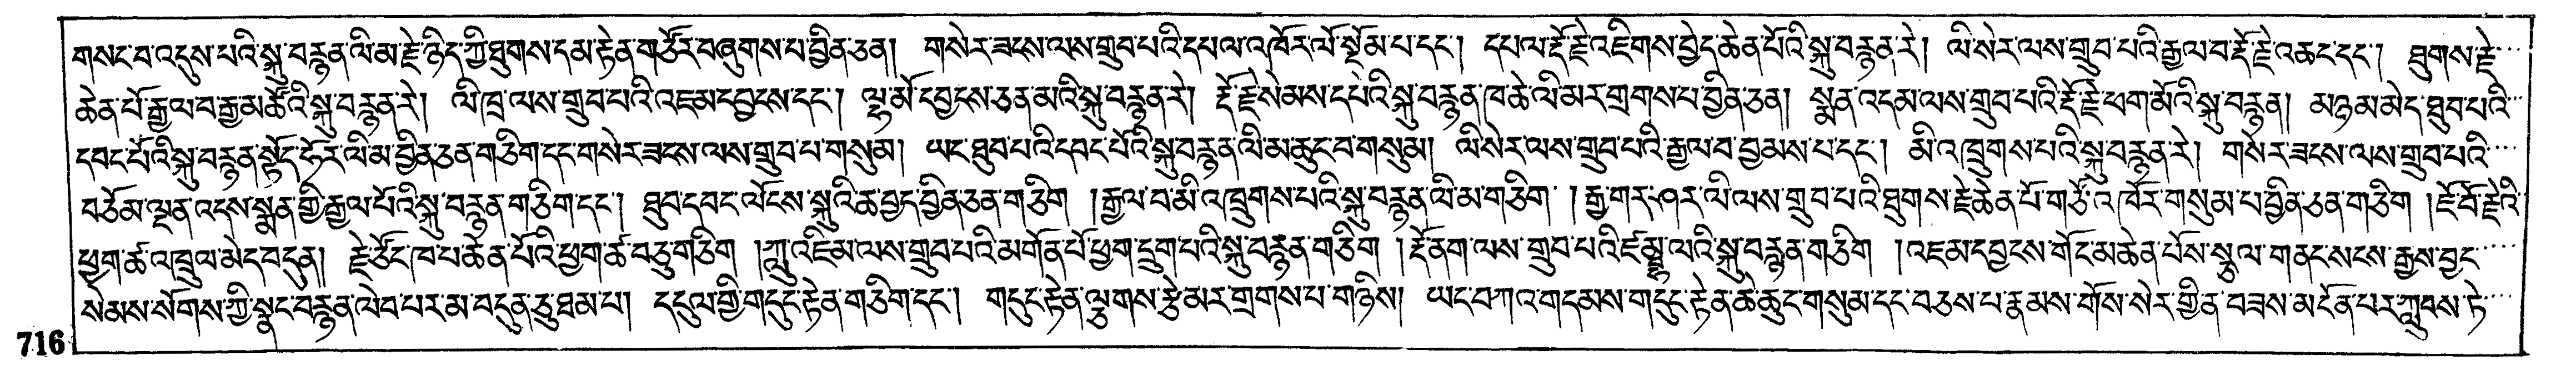གསང་བ་འདུས་པའི་སྐུ་བརྙན་ལི་མ་རྗེ་ཉིད་ཀྱི་ཐུགས་དམ་རྟེན་གཙོར་བཞུགས་པ་བྱིན་ཅན། གསེར་ཟངས་ལས་གྲུབ་པའི་དཔལ་འཁོར་ལོ་སྔོམ་པ་དང་། དཔལ་རྡོ་རྗེ་འཇིགས་བྱེད་ཆེན་པོའི་སྐུ་བརྙན་རེ། ལི་སེར་ལས་གྲུབ་པའི་རྒྱལ་བ་རྡོ་རྗེ་འཆང་དང་། ཐུགས་རྗེ་
ཆེན་པོ་རྒྱལ་བ་རྒྱ་མཚོའི་སྐུ་བརྙན་རེ། ལི་ཁྲ་ལས་གྲུབ་པའི་འཇམ་དབྱངས་དང་། ལྷ་མོ་དབྱངས་ཅན་མའི་སྐུ་བརྙན་རེ། རྡོ་རྗེ་སེམས་དཔའི་སྐུ་བརྙན་ཁ་ཆེ་ལི་མར་གྲགས་པ་བྱིན་ཅན། སྨན་འདམ་ལས་གྲུབ་པའི་རྡོ་རྗེ་ཕག་མོའི་སྐུ་བརྙན། མཉམ་མེད་ཐུབ་པའི་
དབང་པོའི་སྐུ་བརྙན་སྟོད་ཧོར་ལིམ་བྱིན་ཅན་གཅིག་དང་གསེར་ཟངས་ལས་གྲུབ་པ་གསུམ། ཡང་ཐུབ་པའི་དབང་བོའི་སྐུ་བརྙན་ལིམ་ཆུང་བ་གསུམ། ལི་སེར་ལས་གྲུབ་པའི་རྒྱལ་བ་བྱམས་པ་དང་། མི་འཁྲུགས་པའི་སྐུ་བརྙན་རེ། གསེར་ཟངས་ལས་གྲུབ་པའི་
བཅོམ་ལྡན་འདས་སྨན་གྱི་རྒྱལ་པོའི་སྐུ་བརྙན་གཅིག་དང་། ཐུབ་དབང་ལོངས་སྐུའི་ཆ་བྱད་བྱིན་ཅན་གཅིག །རྒྱལ་བ་མི་འཁྲུགས་པའི་སྐུ་བརྙན་ལིམ་གཅིག །རྒྱ་གར་ཤར་ལི་ལས་གྲུབ་པའི་ཐུགས་རྗེ་ཆེན་པོ་གཙོ་འཁོར་གསུམ་པ་བྱིན་ཅན་གཅིག །ཇོ་བོ་རྗེའི་
ཕྱག་ཚ་འཁྲུལ་མེད་བདུན། རྗེ་ཙོང་ཁ་པ་ཆེན་པོའི་ཕྱག་ཚ་བཅུ་གཅིག །ཀླུ་འཇིམ་ལས་གྲུབ་པའི་མགོན་པོ་ཕྱག་དྲུག་པའི་སྐུ་བརྙན་གཅིག །རྡོ་ནག་ལས་གྲུབ་པའི་ཛམྦྷ་ལའི་སྐུ་བརྙན་གཅིག །འཇམ་དབྱངས་གོང་མ་ཆེན་པོས་སྩལ་གནང་སངས་རྒྱས་བྱང་
སེམས་སོགས་ཀྱི་སྣང་བརྙན་ལེབ་པར་མ་བདུན་ཅུ་ཐམ་པ། དངུལ་གྱི་གདུང་རྟེན་གཅིག་དང་། གདུང་རྟེན་ལྕགས་རྩེ་མར་གྲགས་པ་གཉིས། ཡང་བཀའ་གདམས་གདུང་རྟེན་ཆེ་ཆུང་གསུམ་དང་བཅས་པ་རྣམས་གོས་སེར་གྱིན་བཟས་མངོན་པར་ཀླུབས་ཏེ་